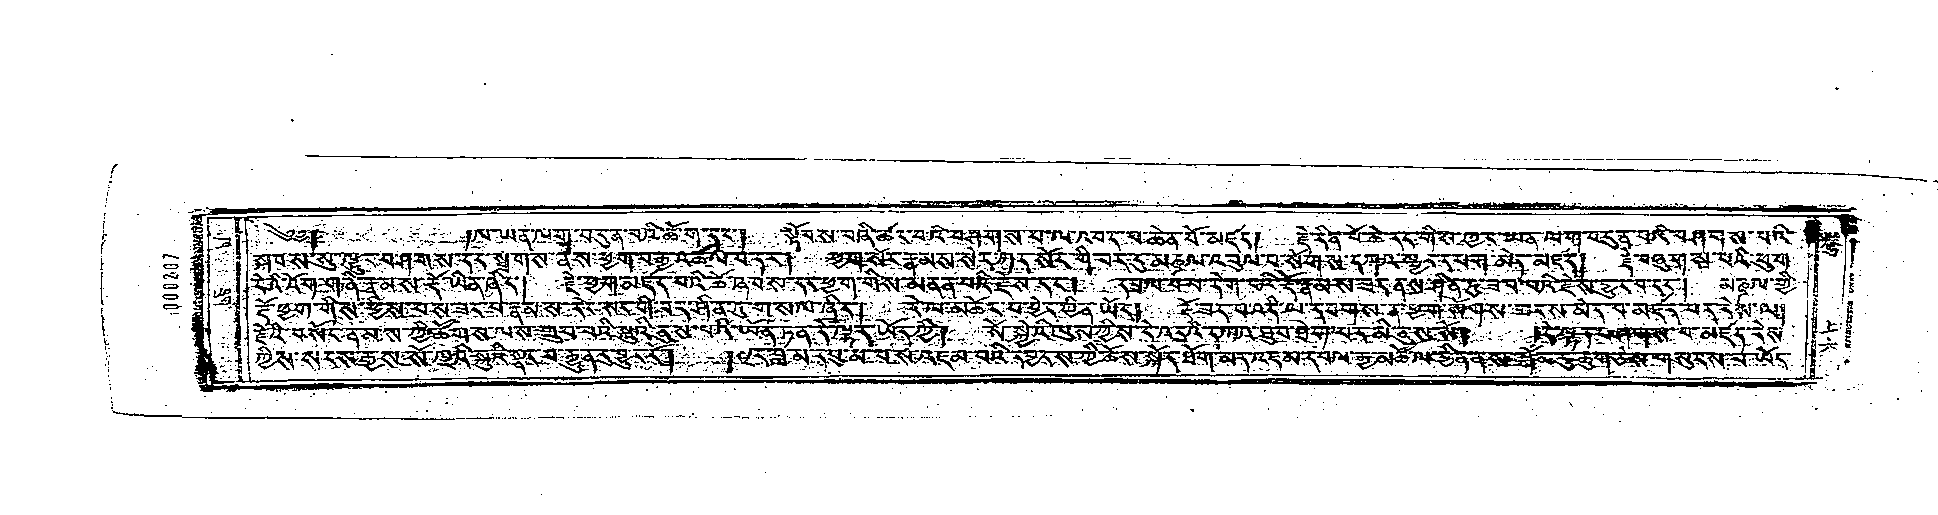༄༅། །ལ་ཡན་ལག་བདུན་བའི་ཆོ་ག་དང་། སྟོབས་བཞི་ཚང་བའི་བཤགས་པ་ལ་འབད་པ་ཆེན་པོ་མཛད། རྗེ་རིན་པོ་ཆེ་རང་གིས་ཀྱང་ཡན་ལག་བདུན་པའི་བཤགས་པའི་
སྐབས་སུ་ལྟུང་བཤགས་དང་སྦྲགས་ནས་ཕྱག་བརྒྱ་འཚལ་བ་དང་། ཕྱག་སོར་རྣམས་སེར་ཀར་སོང་གི་བར་དུ་མཎྜལ་འབུལ་བ་སོགས་དཀའ་སྤྱད་དཔག་མེད་མཛད། རྗེ་བཞུགས་པའི་ཕུག་
དེའི་འོག་གཞི་རྣམས་རྡོ་ཡིན་ཞིང་། རྗེ་ཕྱག་མཛད་པའི་ཚེ་ཞབས་དང་ཕྱག་གིས་མནན་པའི་རྗེས་དང་། དཔྲལ་བས་རིག་པའི་རྡོ་རྣམས་ཟད་ནས་ཤིན་ཏུ་ཟབ་པའི་རྗེས་བྱུང་བ་དང་། མཎྜལ་གྱི་
རྡོ་ཕྱག་གིས་ཕྱིས་པས་ཟང་པ་རྣམས་དེང་སང་གི་བར་ཤིན་ཏུ་གསལ་ཞིང་། དེ་ལ་མཆོད་བ་བྱེད་ཀྱིན་ཡོད། རྡོ་ཟད་པ་འདི་ལ་དབགས་ན་ཕྱག་སོགས་གྲངས་མེད་བ་མཛད་པར་ངེས་ལ།
རྗེའི་བསོད་ནམས་ཀྱི་ཚོགས་ལས་གྲུབ་པའི་སྐུའི་ནུས་པའི་ཡོན་ཏན་དེ་ལྟར་ཡོད་ཀྱི། སོ་སྐྱེའི་ལུས་ཀྱིས་དེ་འདྲའི་དཀའ་ཐུབ་ཐེག་པར་མི་ནུས་སོ། །དེ་ལྟར་བཤགས་པ་མཛད་རེས་
ཀྱིས་སངས་རྒྱས་སོ་ལྔའི་སྐུའི་སྣང་བ་རྒྱུན་དུ་བྱུང་ངོ། །སྔར་བླ་མ་དབུ་མ་པས་འཇམ་བའི་དབྱངས་ཀྱི་ཆོས་སྐོད་ཐོག་མར་འཇམ་དཔལ་རྒྱ་མཚོ་ལ་ཕྱིན་ནས་སྒོམ་དུ་ཆུག་ཅེས་གསུངས་པ་ཡོད་